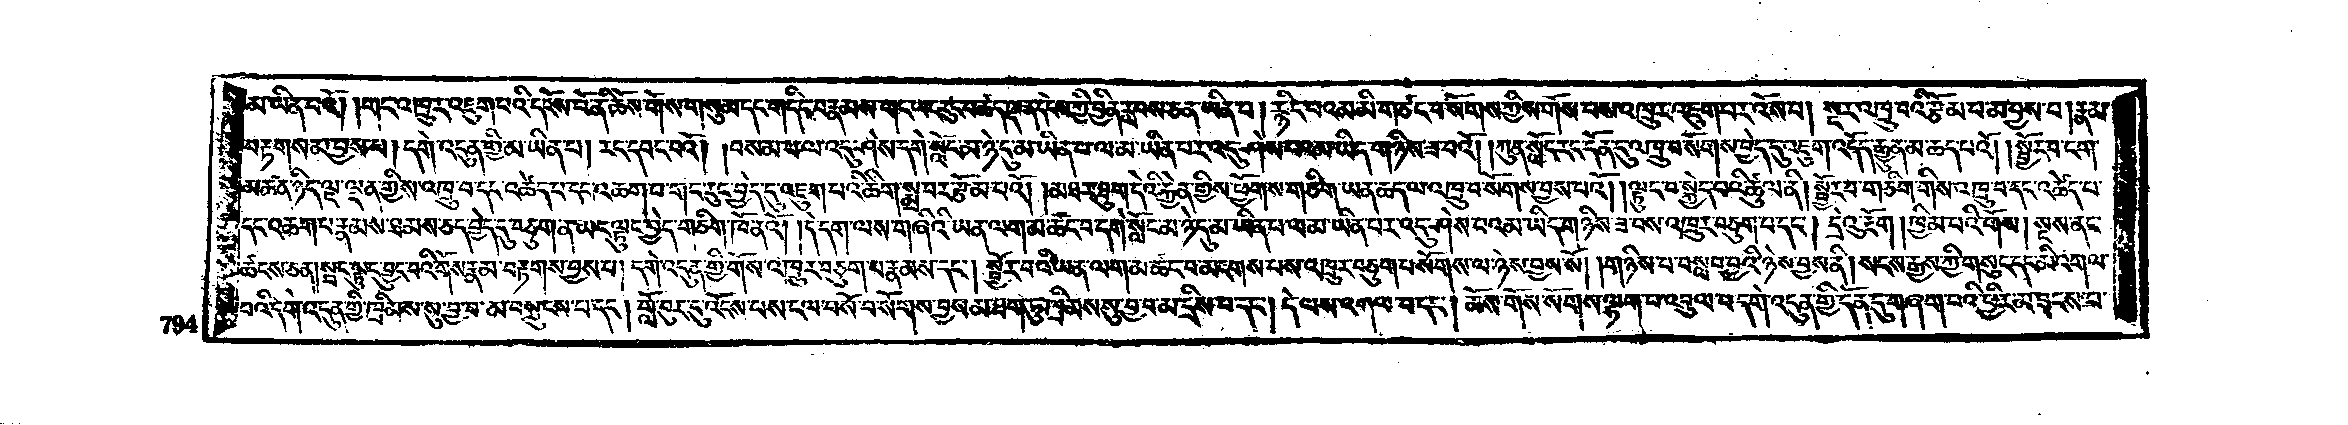མ་ཡིན་པའོ། །གང་འཁྲུར་འཇུག་པའི་དངོས་པོ་ནི་ཆོས་གོས་གསུམ་དང་གདིང་བ་རྣམས་གང་ཡང་རུང་བ་ཚད་ལྡན་དངེས་ཀྱི་བྱིན་རླབས་ཅན་ཡིན་པ། རྙིང་པའམ་མི་གཙང་བ་སོགས་ཀྱིས་གོས་པས་འཁྲུར་འཇུག་པར་འོས་པ། སྔར་འཁྲུ་བའི་རྩོམ་པ་མ་བྱས་པ། རྣམ་
བརྟགས་མ་བྱས་པ། དགེ་འདུན་གྱི་མ་ཡིན་པ། རང་དབང་བའོ། །བསམ་པ་ལ་འདུ་ཤེས་དགེ་སློང་མ་ཉེ་དུ་མ་ཡིན་པ་ལ་མ་ཡིན་པར་འདུ་ཤེས་པའམ་ཡིད་གཉིས་ཟ་བའོ། །ཀུན་སློང་རང་དོན་དུ་འཁྲུ་བ་སོགས་བྱེད་དུ་འཇུག་འདོད་རྒྱུན་མ་ཆད་པའོ། །སྦྱོར་བ་ངག་
མཚན་ཉིད་ལྔ་ལྡན་གྱིས་འཁྲུ་བ་དང་འཚེད་པ་དང་འཆག་པ་གང་རུང་བྱེད་དུ་འཇུག་པའི་ཚིག་སྨྲ་བར་རྩོམ་པའོ། །མཐར་ཐུག་དེའི་རྐྱེན་གྱིས་ཕྱོགས་གཅིག་ཡན་ཆད་ལ་འཁྲུ་བ་སོགས་བྱས་པའོ། །ལྟུང་བ་སྐྱེད་པའི་ཚུལ་ནི། སྦྱོར་བ་གཅིག་གིས་འཁྲུ་བ་དང་འཚེད་པ་
དང་འཆག་པ་རྣམས་ཐམས་ཅད་བྱེད་དུ་བཅུག་ན་ཡང་ལྟུང་བྱེད་གཅིག་ཁོ་ནའོ། །དེ་དག་ལས་གཞིའི་ཡན་ལག་མ་ཚང་བ་དགེ་སློང་མ་ཉེ་དུ་མ་ཡིན་པ་ལ་མ་ཡིན་པར་འདུ་ཤེས་པའམ་ཡིད་གཉིས་ཟ་བས་འཁྲུར་བཅུག་པ་དང་། དྲེའུ་རྡོག །ཁྱིམ་པའི་གོས། སྔས་ནང་
ཚངས་ཅན། སྤང་ལྟུང་བྱུང་བའི་གོས་རྣམ་བརྟགས་བྱས་པ། དགེ་འདུན་གྱི་གོས་འཁྲུར་བཅུག་པ་རྣམས་དང་། སྦྱོར་བའི་ཡན་ལག་མ་ཚང་བ་མདགས་པས་འཁྲུར་བཅུག་པ་སོགས་ལ་ཉེས་བྱས་སོ། །གཉིས་པ་བསླབ་བྱའི་ཉེས་བྱས་ནི། སངས་རྒྱས་ཀྱི་གསུང་དང་མི་འགལ་
བའི་དགེ་འདུན་གྱི་ཁྲིམས་སུ་བྱ་བ་མ་བསྲུངས་བ་དང་། གློ་བུར་དུ་འོངས་པས་ངལ་བསོ་བ་སོགས་བྱས་མ་ཐག་ཏུ་ཁྲིམས་སུ་བྱ་བ་མ་དྲིས་པ་དང་། དེ་ལས་འགལ་བ་དང་། ཆོས་གོས་སོགས་ལྷག་པ་འབུལ་བ་དགེ་འདུན་གྱི་དོན་དུ་གཞག་པའི་ཕྱིར་མ་བྲངས་པ་